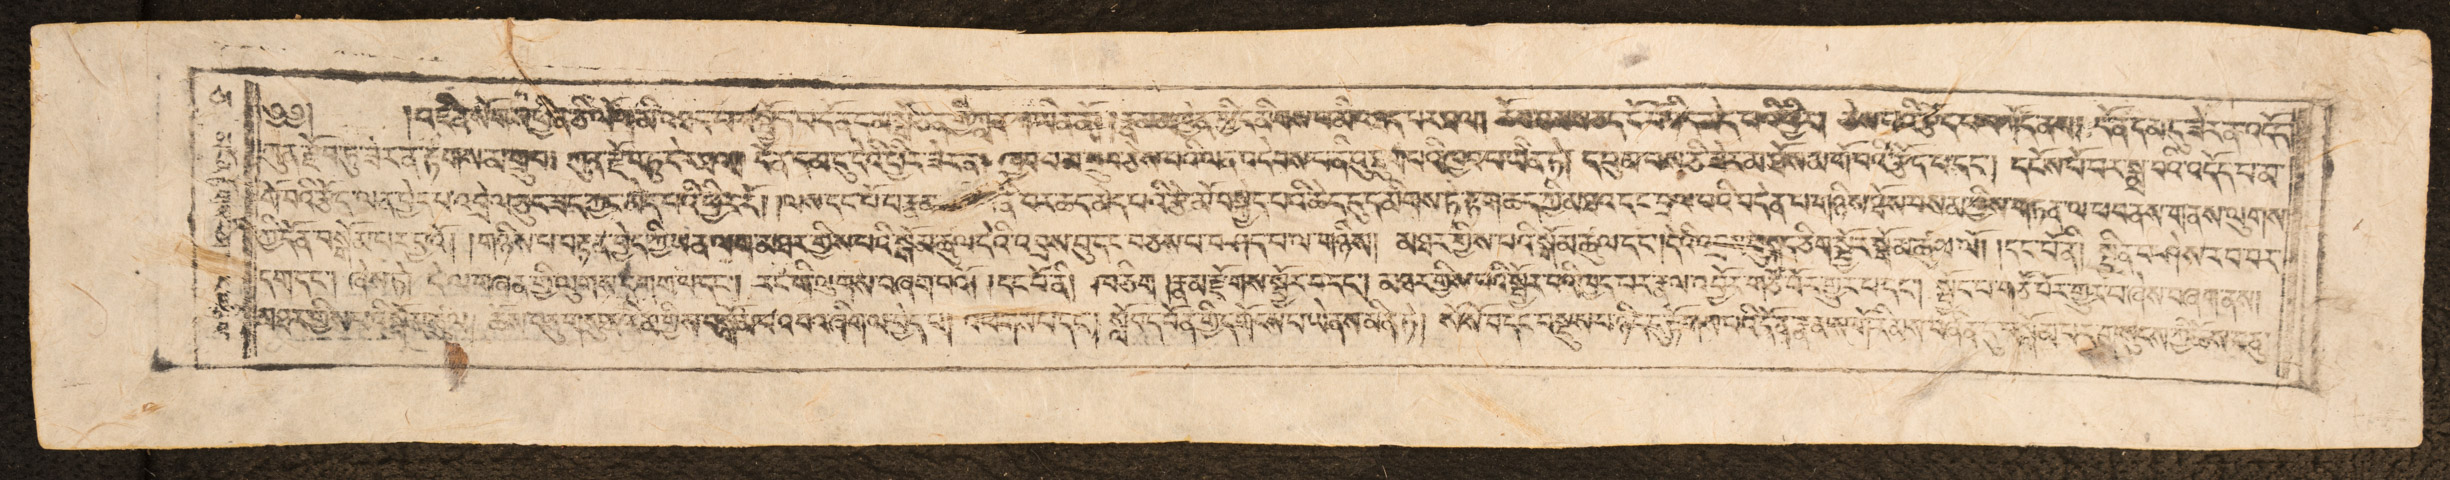༄༅། །འཛིན་སོགས་ཕྱིན་ཅི་ལོག་མི་འཐད་པར་སྤྱོད་པ་དོན་དམ་སྒོ་ཅན་གྱི་ཀླན་ཀ་ཡིན་ནོ། །རྣམ་མཁྱེན་གྱི་དམིགས་པ་མི་འཐད་པར་ཐལ། ཆོས་ཐམས་ཅད་ངོ་བོ་ཉིད་མེད་པའི་ཕྱིར། ཅེས་པའི་རྩོད་པ་བཀོད་ནས། དོན་དམ་དུ་ཟེར་ན་འདོད་
ཀུན་རྫོབ་ཏུ་ཟེར་ན་རྟགས་མ་གྲུབ། ཀུན་རྫོབ་ཏུ་དེར་ཐལ། དོན་དམ་དུ་དེའི་ཕྱིར་ཟེར་ན། ཁྱབ་པ་མ་གྲུབ་ཅེས་པའི་ལན་འདེབས་པ་ནིའུ་ཐུག་པའི་ཁྱབ་པ་ཡིན་ཏེ། དབུ་མ་པས་ཅི་ཟེར་མ་ཐོས་མགོ་བའི་རྩོད་པ་དང་། དངོས་པོ་པར་སྨྲ་བའི་འདོད་པ་མ་
གོ་བའི་རྩོད་ལན་བྱེད་པ་འབྲེལ་ཅུང་ཟད་ཀྱང་མེད་པའི་ཕྱིར་རོ། །ལས་དང་པོ་པ་རྣམས་ཀྱིས་ནི་བར་ཆད་མེད་པའི་རྩེ་མོ་བསྐྱེད་པའི་ཆེད་དུ་དམིགས་ཏེ་རྟག་ཆད་ཀྱི་མཐའ་དང་བྲལ་བའི་བདེན་པ་གཉིས་ཐོས་བསམ་གྱིས་གཏན་ལ་ཕབ་ནས་གནས་ལུགས་
ཀྱི་དོན་བསྒོམ་པར་བྱའོ། །གཉིས་པ་བརྟན་བྱེད་ཀྱི་ཡན་ལག་མཐར་གྱིས་པའི་སྒོམ་ཚུལ་དེའི་འབྲས་བུ་དང་བཅས་པ་བཤད་པ་ལ་གཉིས། མཐར་གྱིས་པའི་སྒོམ་ཚུལ་དང་། དེའི་འབྲས་བུ་སྐད་ཅིག་སྦྱོར་སྒོམ་ཚུལ་ལོ། །དང་པོ་ནི། སྦྱིན་པ་ཤེས་རབ་བར་
དག་དང་། ཞེས་ཏེ། དེ་ལ་གཞན་གྱི་ལུགས་དགག་པ་དང་། རང་གི་ལུགས་བཞག་པའོ། །དང་པོ་ནི། ཁ་ཅིག །རྣམ་རྫོགས་སྦྱོར་བ་དང་། མཐར་གྱིས་པའི་སྦྱོར་བའི་ཁྱད་པར་རྣལ་འབྱོར་གཙོ་བོར་གྱུར་པ་དང་། སྤྱོད་པ་གཙོ་བོར་གྱུར་པ་ཞེས་བཞག་ནས།
མཐར་གྱིས་པའི་སྒོམ་ཚུལ། ཆོས་བཅུ་གསུམ་རིམ་གྱིས་བསྒོམ་པ་འབའ་ཞིག་ལ་བྱེད་པ། འཕགས་པ་དང་། སློབ་དཔོན་གྱི་དགོངས་པ་ཡེ་ནས་མིན་ཏེ། སོ་སོ་བ་དང་བསྡུས་པ་ཉིད་དུ་རྟོགས་པའི་དོན་རྣམས་གོ་རིམས་བཞིན་དུ་བསྒོམ་པར་གསུངས་ཀྱི་ཆོས་བཅུ་